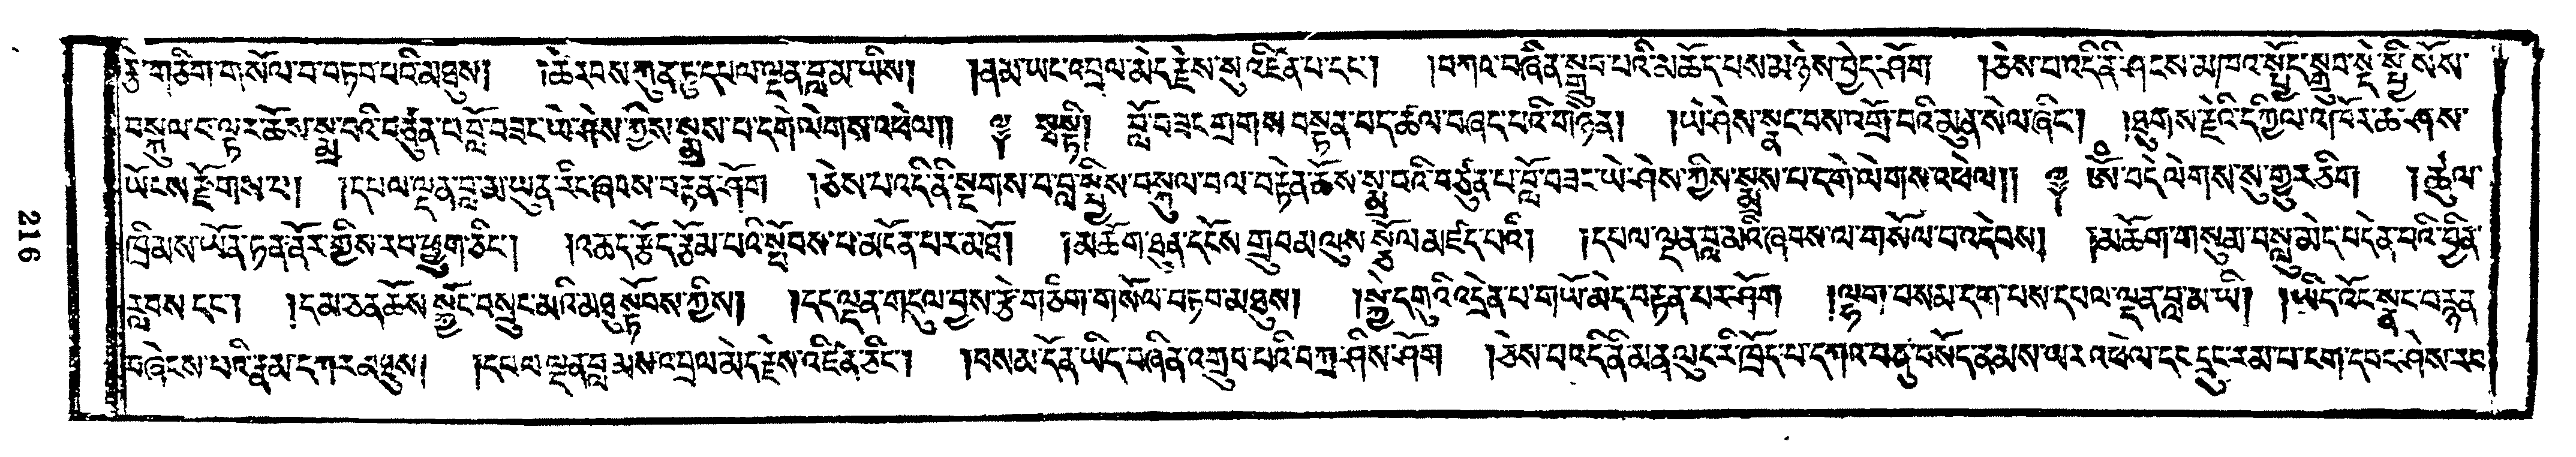རྩེ་གཅིག་གསོལ་བ་བཏབ་པའི་མཐུས། །ཚེ་རབས་ཀུན་ཏུ་དཔལ་ལྡན་བླ་མ་ཡིས། །ནམ་ཡང་འབྲལ་མེད་རྗེས་སུ་འཛིན་པ་དང་། །བཀའ་བཞིན་སྒྲུབ་པའི་མཆོད་པས་མཉེས་བྱེད་ཤོག །ཅེས་པ་འདི་ནི་ཤངས་མཁའ་སྤྱོད་སྒྲུབ་སྡེ་སྤྱི་སོས་
བསྐུལ་བ་ལྟར་ཆོས་སྨྲ་བའི་བཙུན་པ་བློ་བཟང་ཡེ་ཤེས་ཀྱིས་སྨྲས་བ་དགེ་ལེགས་འཕེལ།། ༈ སྭསྟི། བློ་བཟང་གྲགས་བསྟན་པད་ཚལ་བཞད་པའི་གཉེན། །ཡེ་ཤེས་སྣང་བས་འགྲོ་བའི་མུན་སེལ་ཞིང་། །ཐུགས་རྗེའི་དཀྱིལ་འཁོར་ཆ་ཤས་
ཡོངས་རྫོགས་པ། །དཔལ་ལྡན་བླ་མ་ཡུན་རིང་ཞབས་བརྟན་ཤོག །ཅེས་པ་འདི་ནི་སྔགས་པ་བླ་སྤྱིས་བསྐུལ་བ་ལ་བརྟེན་ཆོས་སྨྲ་བའི་བཙུན་པ་བློ་བཟང་ཡེ་ཤེས་ཀྱིས་སྨྲས་པ་དགེ་ལེགས་འཕེལ།། ༈ ཨོཾ་བདེ་ལེགས་སུ་གྱུར་ཅིག །ཚུལ་
ཁྲིམས་ཡོན་ཏན་ནོར་གྱིས་རབ་ཕྱུག་ཅིང་། །འཆད་རྩོད་རྩོམ་པའི་སྤོབས་པ་མངོན་པར་མཐོ། །མཆོག་ཐུན་དངོས་གྲུབ་མ་ལུས་སྩོལ་མཛད་པའི། །དཔལ་ལྡན་བླ་མའི་ཞབས་ལ་གསོལ་བ་འདེབས། །མཆོག་གསུམ་བསླུ་མེད་བདེན་པའི་བྱིན་
རླབས་དང་། །དམ་ཅན་ཆོས་སྐྱོང་བསྲུང་མའི་མཐུ་སྟོབས་ཀྱིས། །དད་ལྡན་གདུལ་བྱས་རྩེ་གཅིག་གསོལ་བཏབ་མཐུས། །སྐྱེ་དགུའི་འདྲེན་པ་གཡོ་མེད་བརྟན་པར་ཤོག །ལྷག་བསམ་དག་པས་དཔལ་ལྡན་བླ་མ་ཡི། །ཡིད་འོང་སྣང་བརྙན་
བཞེངས་པའི་རྣམ་དཀར་མཐུས། །དཔལ་ལྡན་བླ་མས་འབྲལ་མེད་རྗེས་འཛིན་ཅིང་། །བསམ་དོན་ཡིད་བཞིན་འགྲུབ་པའི་བཀྲ་ཤིས་ཤོག །ཅེས་པ་འདི་ནི་མན་ལུང་རི་ཁྲོད་པ་དཀའ་བཅུ་བསོད་ནམས་ཡར་འཕེལ་དང་དྲུང་རམ་པ་ངག་དབང་ཤེས་རབ་